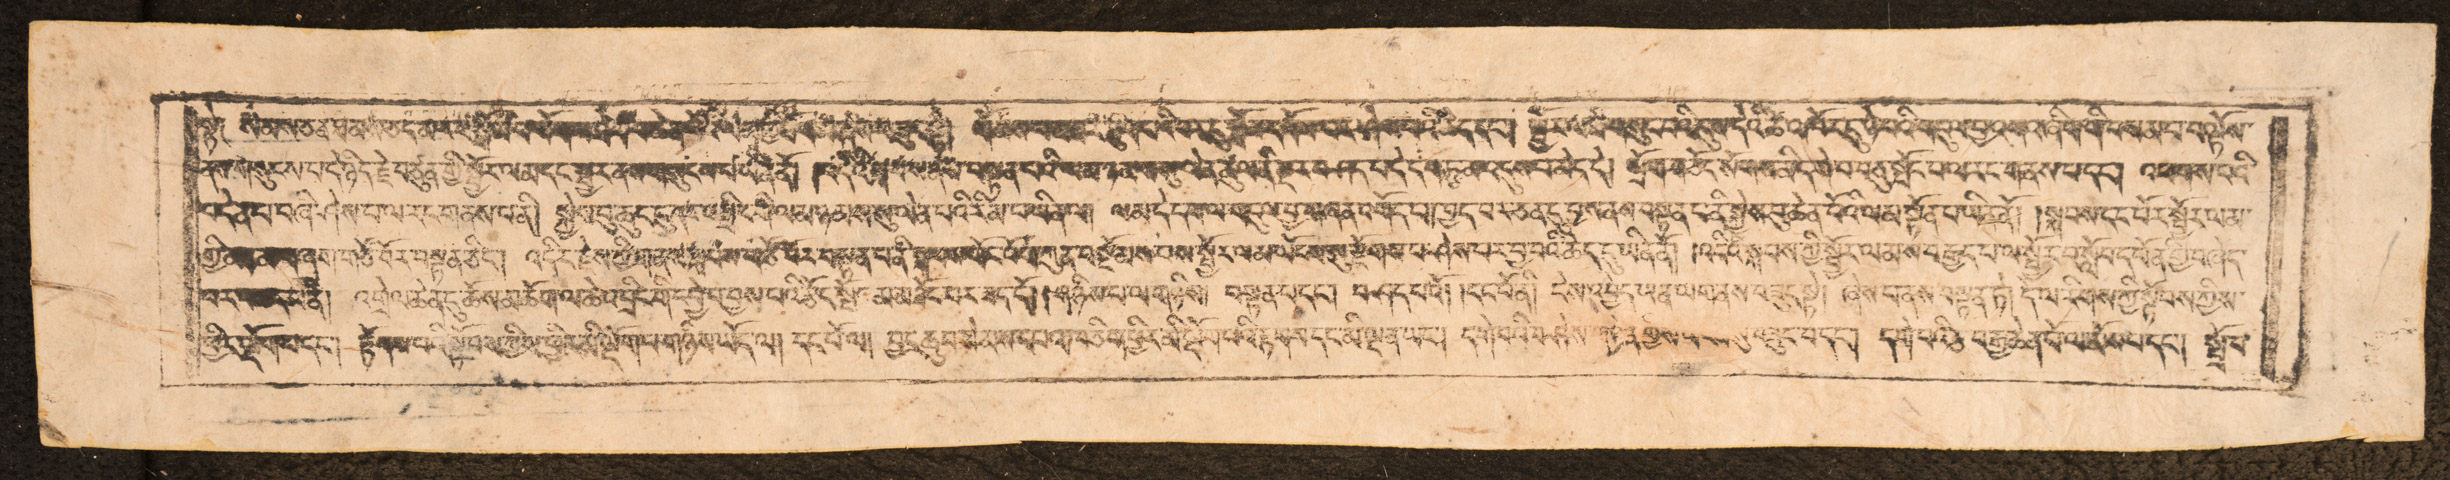སྟེ། སེམས་ཅན་ཐམས་ཅད་མར་བསྒོམ་པ་སོགས་ཐེག་པ་ཆེན་པོའི་ལམ་གྱི་ཐོག་མ་ནས་བཟུང་སྟེ། གོམས་པ་མཐར་ཐུག་པའི་བར་དུ་སྒོམ་དགོས་པར་ཤེས་པའི་ཆེད་དང་། སྦྱོར་ལམ་གསུང་བའི་དུས་དེའི་ཚེ་འཁོར་དུ་ཉེ་བའི་གདུལ་བྱ་འགའ་ཞིག་གི་བསམ་པ་བལྟོས་
ནས་གསུངས་པ་དེ་ཉིད་རྗེ་བཙུན་ཀྱི་སྦྱོར་ལམ་དང་སྦྱར་ནས་གསུངས་པ་ཡིན་ནོ། །འདིའི་སྐབས་ནས་བསྟན་པའི་ལམ་ཉམས་སུ་ལེན་ཚུལ་ནི་སྔར་བཤད་པ་དེ་དག་ཏུ་མ་འདུས་པ་མེད་དེ། སྲོག་གཅོད་སོགས་མི་དགེ་བ་བཅུ་སྤོང་བ་ལ་རང་གནས་པ་དང་། འཕགས་པའི་
བདེན་པ་བཞི་ཤེས་པ་ལ་རང་གནས་པ་ནི། སྐྱེས་བུ་ཆུང་ངུ་དང་འབྲིང་གི་ལམ་ཉམས་སུ་ལེན་པའི་རིམ་པ་ཡིན་ལ། ལམ་དེ་དག་ལ་གདུལ་བྱ་གཞན་འགོད་པ་ཁྱད་པར་ཅན་དུ་བྱས་ནས་བསྟན་པ་ནི་སྐྱེས་བུ་ཆེན་པོའི་ལམ་སྟོན་པ་ཡིན་ནོ། །སྐབས་དང་པོར་སྦྱོར་ལམ་
གྱི་མཉམ་གཞག་གཙོ་བོར་བསྟན་ཅིང་། འདིར་རྗེས་ཀྱི་གནས་སྐབས་གཙོ་བོར་བསྟན་པ་ནི་སྐབས་གོང་འོག་ཀུན་བསྡོམས་པས་སྦྱོར་ལམ་ཡོངས་སུ་རྫོགས་པ་ཤེས་པར་བྱ་བའི་ཆེད་དུ་ཡིན་ནོ། །འདིའི་སྐབས་ཀྱི་སྦྱོར་ལམ་ས་བརྒྱད་པ་ལ་སྦྱོར་བ་སློབ་དཔོན་གྱི་བཞེད་
པར་ཆད་པ་ནི། འགྲེལ་ཆེན་དུ་ཆོས་མཆོག་ལ་ཆེ་འབྲིང་གི་དབྱེ་བ་བྱས་པའི་རྩོད་སྤོང་མ་མཐོང་བར་ཟག་དོ། །གཉིས་པ་ལ་གཉིས། བསྟན་པ་དང་། བཤད་པའོ། །དང་པོ་ནི། ངེས་འབྱེད་ཡན་ལག་ནས་བཟུང་སྟེ། ཞེས་པ་ནས་བསྟན་ཏེ། དེ་ལ་རིགས་ཀྱི་སྟོབས་ཀྱིས་
ཕྱིར་ལྡོག་པ་དང་། རྟོགས་པའི་སྟོབས་ཀྱིས་ཕྱིར་མི་ལྡོག་པ་གཉིས་ཡོད་ལ། དང་པོ་ལ། བྱང་ཆུབ་སེམས་དཔའ་ཁ་ཅིག་ཕྱིར་མི་ལྡོག་པའི་རྟགས་དང་མི་ལྡན་ཡང་། དགེ་བའི་བཤེས་གཉེན་གྱིས་ཡོངས་སུ་བཟུང་བ་དང་། དགེ་བའི་རྩ་བ་རྒྱ་ཆེན་པོ་ལ་མོས་པ་དང་། སྤྲོ་བ་